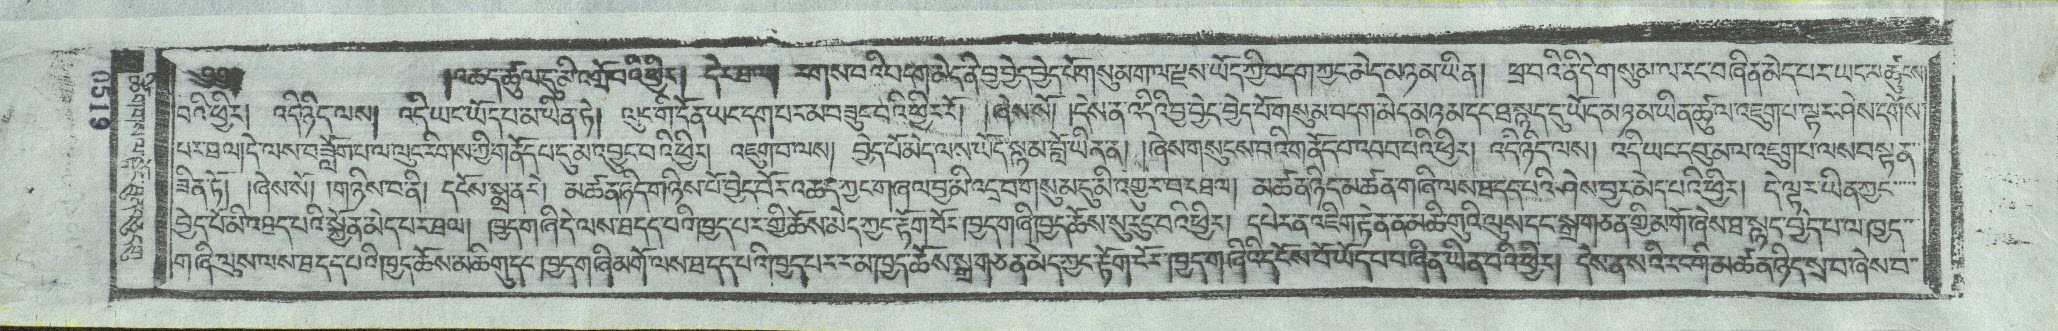༄༅། །འཆད་ཚུལ་དུ་མི་འགྲོ་བའི་ཕྱིར། དེར་ཐལ། རགས་པའི་བདག་མེད་ནི་བྱ་བྱེད་བྱེད་པོ་གསུམ་ག་ལ་རྫས་ཡོད་ཀྱི་བདག་ཀྱང་མེད་མཉམ་ཡིན། ཕྲ་བའི་ནི་དེ་གསུམ་ལ་རང་བཞིན་མེད་པར་ཡང་མཚུངས་
པའི་ཕྱིར། འདི་ཉིད་ལས། འདི་ཡང་ཡོད་པ་མ་ཡིན་ཏེ། ལུང་གི་དོན་ཡང་དག་པར་མ་བཟུང་བའི་ཕྱིར་རོ། །ཞེས་སོ། །དེས་ན་འདིའི་བྱ་བྱེད་བྱེད་པོ་གསུམ་བདག་མེད་མཉམ་དང་ཐ་སྙད་དུ་ཡོད་མཉམ་ཡིན་ཚུལ་འཇུག་པ་ལྟར་ཤེས་དགོས་
པར་ཐལ། དེ་ལས་བཟློག་པ་ལ་ལུང་རིགས་ཀྱི་གནོད་པ་དུ་མ་འབྱུང་བའི་ཕྱིར། འཇུག་པ་ལས། བྱེད་པོ་མེད་ལས་ཡོད་སྙམ་བློ་ཡིན་ན། །ཞེས་གསུངས་པའི་གནོད་པ་འབབ་པའི་ཕྱིར། འདི་ཉིད་ལས། འདི་ཡང་དབུ་མ་ལ་འཇུག་པ་ལས་བསྟན་
ཟིན་ཏོ། །ཞེས་སོ། །གཉིས་པ་ནི། དངོས་སྨྲ་ན་རེ། མཚན་ཉིད་གཉིས་པོ་བྱེད་པོར་འཆད་ཀྱང་གཞལ་བྱ་མི་འདྲ་བ་གསུམ་དུ་མི་འགྱུར་བར་ཐལ། མཚན་ཉིད་མཚན་གཞི་ལས་ཐ་དད་པའི་ཤེས་བྱར་མེད་པའི་ཕྱིར། དེ་ལྟར་ཡིན་ཀྱང་
བྱེད་པོ་མི་འཐད་པའི་སྐྱོན་མེད་པར་ཐལ། ཁྱད་གཞི་དེ་ལས་ཐ་དད་པའི་ཁྱད་པར་གྱི་ཆོས་མེད་ཀྱང་རྟོག་བོར་ཁྱད་གཞི་ཁྱད་ཆོས་སུ་རུང་བའི་ཕྱིར། དཔེར་ན་འཇིག་རྟེན་ན་མཆི་གུའི་ལུས་དང་སྒྲ་གཅན་གྱི་མགོ་ཞེས་ཐ་སྙད་བྱེད་པ་ལ་ཁྱད་
གཞི་ལུས་ལས་ཐ་དད་པའི་ཁྱད་ཆོས་མཆི་གུ་དང་ཁྱད་གཞི་མགོ་ལས་ཐ་དད་པའི་ཁྱད་པར་རམ་ཁྱད་ཆོས་སྒྲ་གཅན་མེད་ཀྱང་རྟོག་དོར་ཁྱད་གཞིའི་དངོས་པོ་ཡོད་པ་བཞིན་ཡིན་པའི་ཕྱིར། དེས་ན་སའི་རང་གི་མཚན་ཉིད་སྲ་བ་ཞེས་པ་